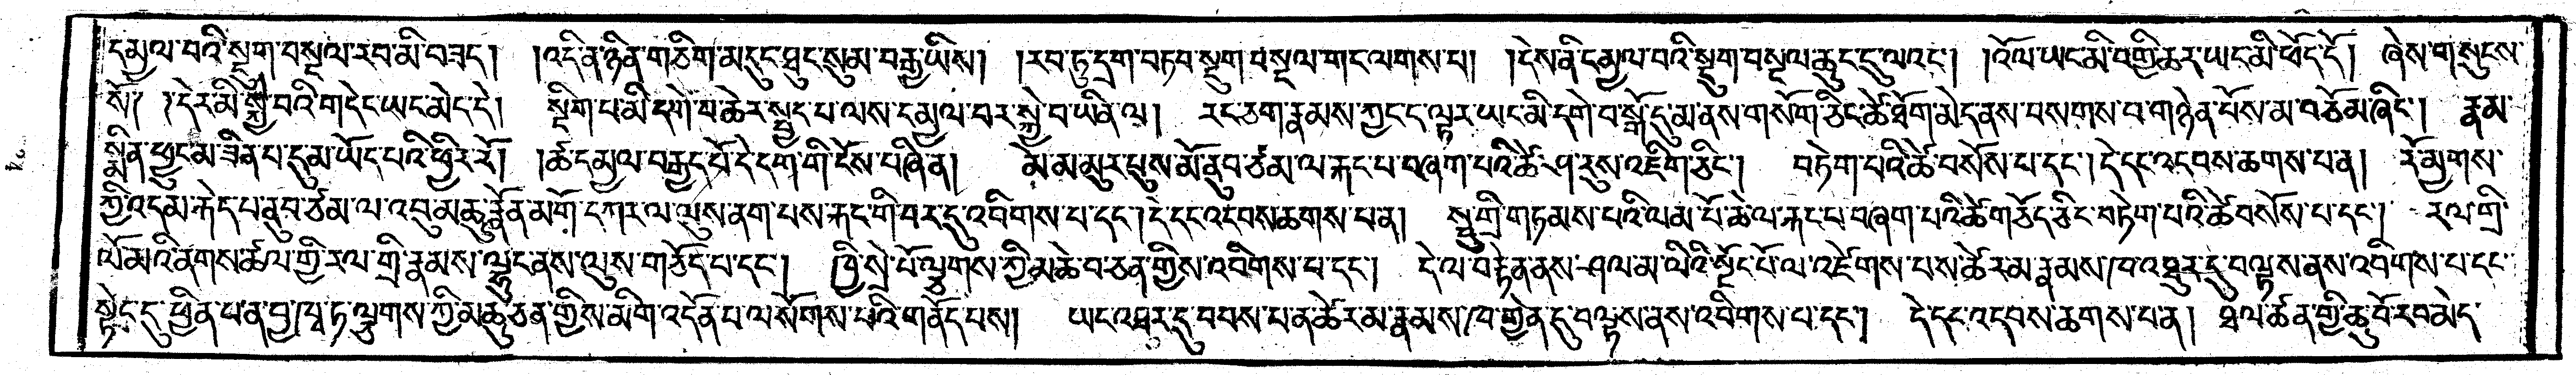དམྱལ་བའི་སྡུག་བསྔལ་རབ་མི་བཟད། །འདི་ན་ཉིན་གཅིག་མདུང་ཐུང་སུམ་བརྒྱ་ཡིས། །རབ་ཏུ་དྲག་བཏབ་སྡུག་བསྔལ་གང་ལགས་པ། །དེས་ནི་དམྱལ་བའི་སྡུག་བསྔལ་ཆུང་དུ་ལའང་། །འོལ་ཡང་མི་བགྱི་ཆར་ཡང་མི་ཕོད་དོ། ཞེས་གསུངས་
སོ༑ ༑དེར་མི་སྐྱེ་བའི་གདེང་ཡང་མེད་དེ། སྡིག་པ་མི་དགེ་བ་ཆེར་སྦྱང་པ་ལས་དམྱལ་བར་སྐྱེ་བ་ཡིན་ལ། རང་ཅག་རྣམས་ཀྱང་ད་ལྟར་ཡང་མི་དགེ་བ་སྒོ་དུ་མ་ནས་གསོག་ཅིང་ཚེ་ཐོག་མེད་ནས་བསགས་པ་གཉེན་པོས་མ་བཅོམ་ཞིང་། རྣམ་
སྨིན་ཕྱུང་མ་ཟིན་པ་དུ་མ་ཡོད་པའི་ཕྱིར་རོ། །ཚ་དམྱལ་བརྒྱད་པོ་དེ་དག་གི་ངོས་བཞིན་ན། མེ་མ་མུར་པུས་མོ་ནུབ་ཙམ་ལ་རྐང་པ་བཞག་པའི་ཚེ་ཤ་རུས་འཇིག་ཅིང་། བཏེག་པའི་ཚེ་བསོས་པ་དང་། དེ་དང་འདབས་ཆགས་པ་ན། རོ་མྱགས་
ཀྱི་འདམ་རྐེད་པ་ནུབ་ཙམ་ལ་འབུ་མཆུ་རྣོན་མགོ་དཀར་ལ་ལུས་ནག་པས་རྐང་གི་བར་དུ་འབིགས་པ་དང་། དེ་དང་འདབས་ཆགས་པ་ན། སྦུ་གྲི་གཏམས་པའི་ལམ་པོ་ཆེ་ལ་རྐང་པ་བཞག་པའི་ཚེ་གཅོད་ཅིང་བཏེག་པའི་ཚེ་བསོས་པ་དང་། རལ་གྲི་
ལོ་མའི་ནགས་ཚལ་གྱི་རལ་གྲི་རྣམས་ལྷུང་ནས་ལུས་གཅོད་པ་དང་། ཁྱི་སྲེ་པོ་ལྕགས་ཀྱི་མཆེ་བ་ཅན་གྱིས་འབིགས་པ་དང་། དེ་ལ་བརྟེན་ནས་ཤལ་མ་ལིའི་སྡོང་པོ་ལ་འཛེགས་པས་ཚེར་མ་རྣམས་ཁ་འཐུར་དུ་བལྟས་ནས་འབིགས་པ་དང་
སྟེང་དུ་ཕྱིན་པ་ན་བྱ་ཁ་ཏ་ལྕགས་ཀྱི་མཆུ་ཅན་གྱིས་མིན་འདོན་པ་ལ་སོགས་པའི་གནོད་པས། ཡང་འཐུར་དུ་བབས་པ་ན་ཚེར་མ་རྣམས་ཁ་གྱེན་དུ་བལྟས་ནས་འབིགས་པ་དང་། དེ་དང་འདབས་ཆགས་པ་ན། ཐལ་ཚན་གྱི་ཆུ་བོ་རབ་མེད་